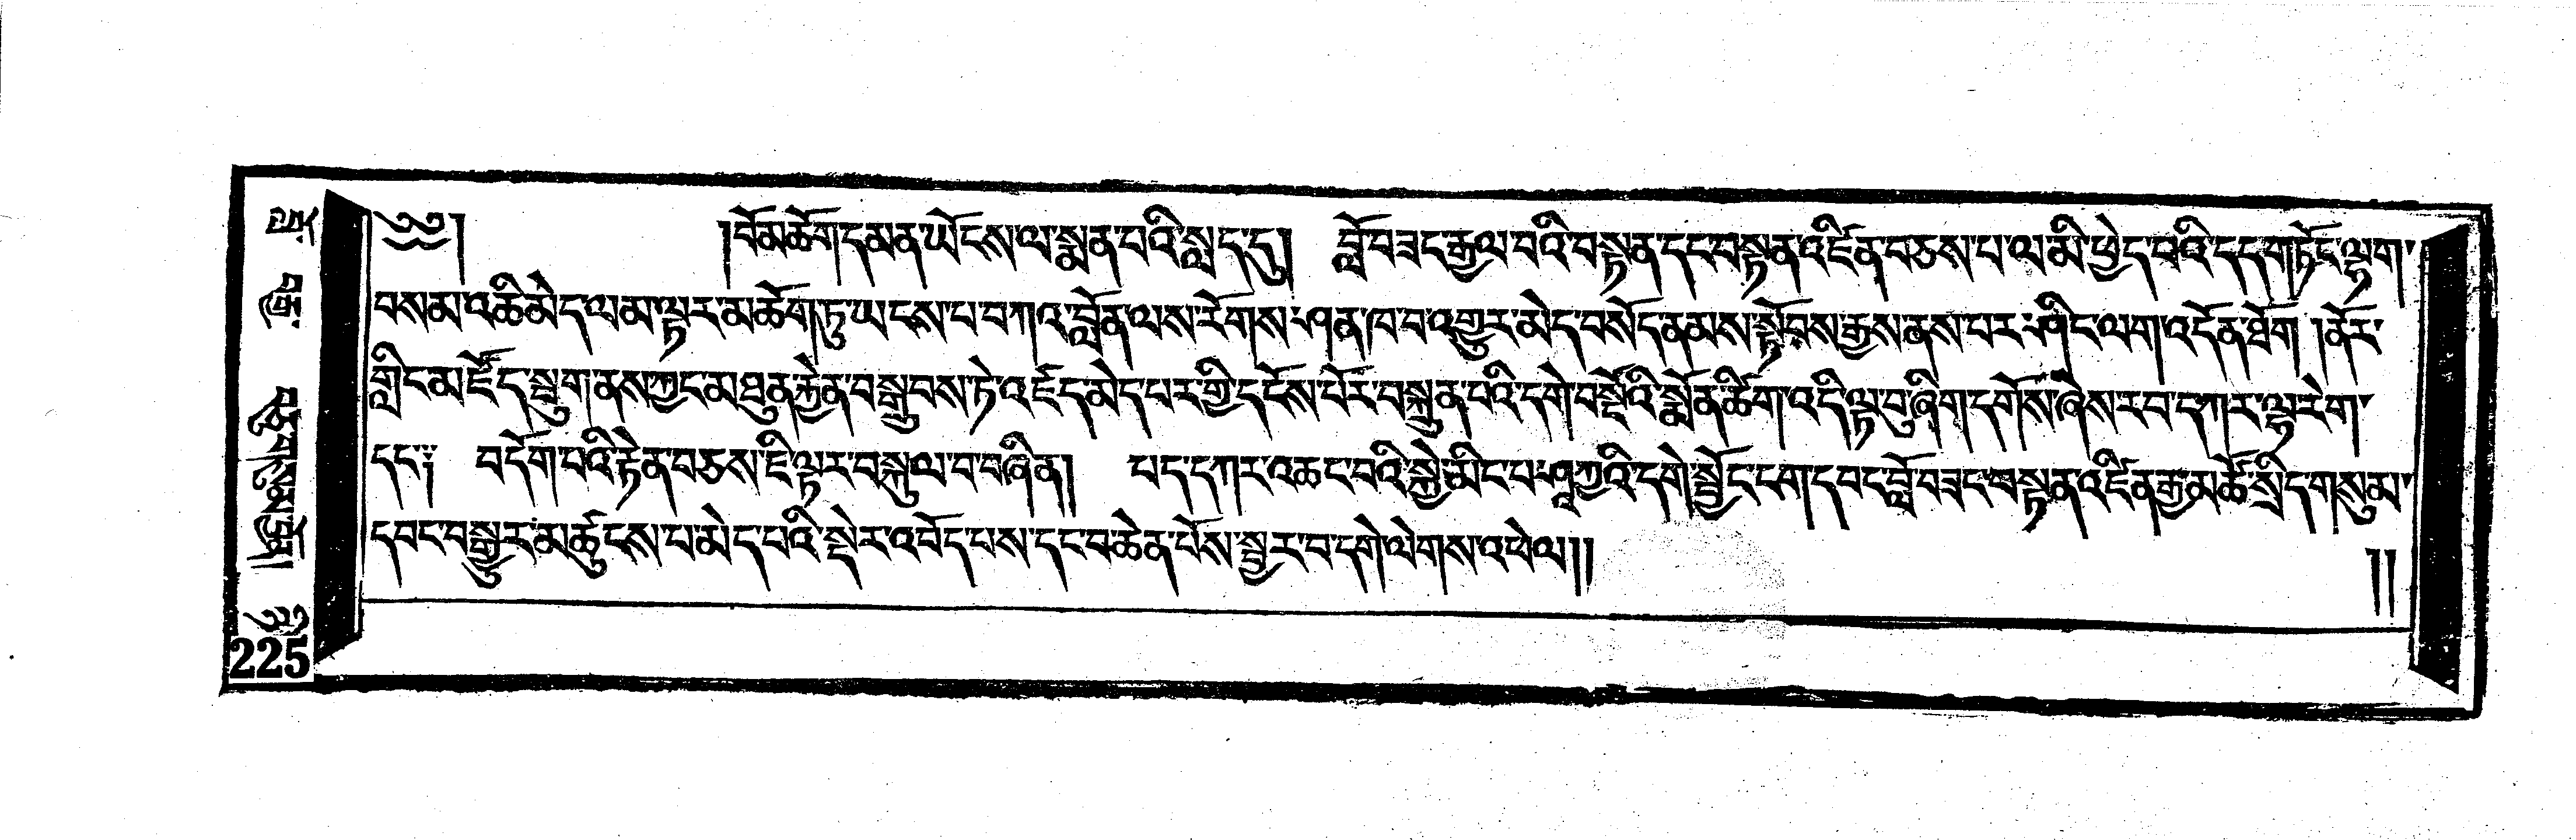༄༅། །བོ་མཆོག་དམན་ཡོངས་ལ་སྨན་པའི་སླད་དུ། བློ་བཟང་རྒྱལ་བའི་བསྟན་དང་བསྟན་འཛིན་བཅས་པ་ལ་མི་ཕྱེད་པའི་དད་གཏོང་ལྷག་
བསམ་འཆི་མེད་ལམ་ལྟར་མཆོག་ཏུ་ཡངས་པ་བཀའ་བློན་ལས་རོགས་ཤན་ཁ་བ་འགྱུར་མེད་བསོད་ནམས་སྟོབས་རྒྱས་ནས་པར་ཤིང་ལག་འདོན་ཐོག །ནོར་
གླིང་མཛོད་སྡུག་ནས་ཀྱང་མཐུན་རྐྱེན་བསྒྲུབས་ཏེ་འཛད་མེད་པར་གྱི་དངོས་པོར་བསྐྲུན་པའི་དགེ་བསྔོའི་སྨོན་ཚིག་འདི་ལྟ་བུ་ཞིག་དགོས་ཞེས་རབ་དཀར་ལྷ་རེག་
དང༑ བདོག་པའི་རྟེན་བཅས་ཇི་ལྟར་བསྐུལ་བ་བཞིན། པད་དཀར་འཆང་བའི་སྐྱེ་མིང་པ་ཤཱཀྱའི་དགེ་སློང་ངག་དབང་བློ་བཟང་བསྟན་འཛིན་རྒྱ་མཚོ་སྲིད་གསུམ་
དབང་བསྒྱུར་མཚུངས་པ་མེད་པའི་སྡེར་འབོད་པས་དང་བ་ཆེན་པོས་སྦྱར་བ་དགེ་ལེགས་འཕེལ།། །།
སེར་སྨད་ཀཱ་ཕིའུ་ཊར་ལས་ཁང་ནས།། ཕྱི་ལོ ༡༩༩༥༡༢་པའི་ནང་ལྦྶྐྲུན་ཞུས་པའོ།།